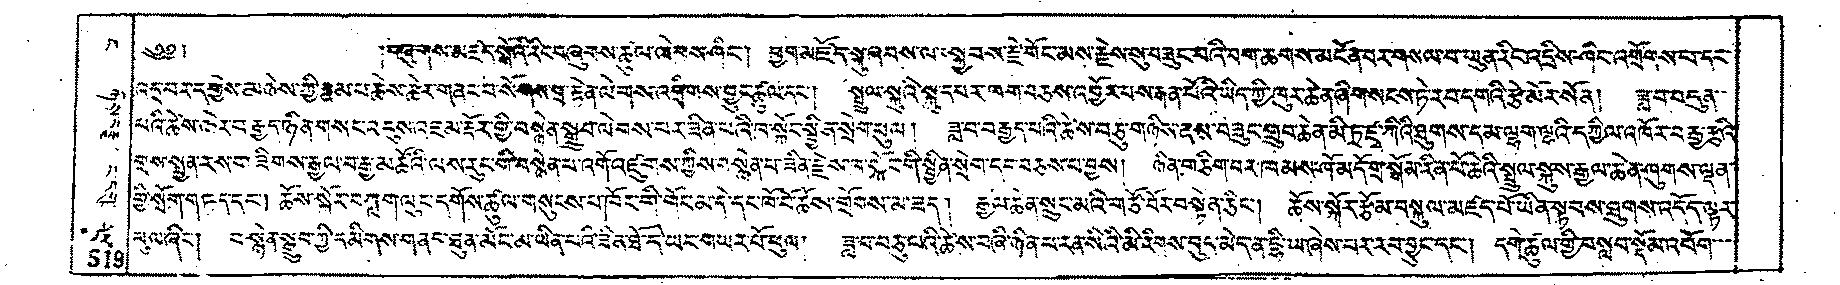༄༅། །བཞུགས་མཛད་སྒོའི་རིང་བཞུགས་ཚུལ་ལེགས་ཤིང་། ཕྱག་མཛོད་སྐུ་ཞབས་ལ་༧སྐྱབས་རྗེ་གོང་མས་རྗེས་སུ་བཟུང་བའི་བག་ཆགས་མངོན་པར་གསལ་བ་ཡུན་རིང་འདྲིས་ཤིང་འགྲོགས་པ་དང་
འདྲ་བར་དགྱེས་མཉེས་ཀྱི་རྣམ་པ་ཆེས་ཆེར་གནང་བ་སོགས་གྲ་རྟེན་ལེགས་འགྲིགས་བྱུང་ཚུལ་དང་། སྤྲུལ་སྐུའི་སྐུ་དཔར་ཁག་བཅས་འབྱོར་པས་རྒན་པོའི་ཡིད་ཀྱི་ཁུར་ཆེན་ཞིག་སངས་ཏེ་རབ་དགའི་རྩེ་མོར་སོན། ཟླ་བ་བདུན་
པའི་ཚེས་ཉེར་བརྒྱད་ཉིན་གསང་འདུས་འཇམ་རྡོར་གྱི་བསྙེན་སྒྲུབ་ལེགས་པར་ཟིན་པའི་ཁ་སྐོང་སྦྱིན་སྲེག་ཕུལ། ཟླ་བ་བརྒྱད་པའི་ཚེས་བཅུ་གཉིས་ནས་བཟུང་གྲུབ་ཆེན་མི་ཏྲ་ཛྭ་ཀིའི་ཐུགས་དམ་ལྷག་ལྷའི་དཀྱིལ་འཁོར་བརྒྱ་རྩའི་
གྲས་སྤྱན་རས་གཟིགས་རྒྱལ་བ་རྒྱ་མཚོའི་ལས་རུང་གི་བསྙེན་པ་འགོ་འཛུགས་ཀྱིས་བསྙེན་པ་ཟིན་རྗེས་ཁ་སྐོང་གི་སྦྱིན་སྲེག་དང་བཅས་པ་བྱས། ཉིན་གཅིག་བར་ཁམས་ཤོ་མདོ་གྲ་སྒོམ་རིན་པོ་ཆེའི་སྤྲུལ་སྐུས་རྒྱལ་ཆེན་ཤུགས་ལྡན་
གྱི་སྲོག་གཏད་དང་། ཆོས་སྐོར་བཀླག་ལུང་དགོས་ཚུལ་གསུངས་པ་ཁོང་གི་གོང་མ་དེ་དང་ཁོ་བོ་ཆོས་གྲོགས་མ་ཟད། རྒྱལ་ཆེན་སྲུང་མའི་གཙོ་བོར་བསྟེན་ཅིང་། ཆོས་སྐོར་རྩོམ་བསྐུལ་མཛད་པོ་ཡིན་སྟབས་ཐུགས་འདོད་ལྟར་
ཕུལ་ཞིང་། བསྙེན་སྒྲུབ་ཀྱི་དམིགས་གནང་ཐུན་མོང་མ་ཡིན་པའི་ཟིན་ཐོ་དེ་ཡང་གཡར་པོ་ཕུལ། ཟླ་བ་བཅུ་པའི་ཚེས་བཞི་ཉིན་ཕ་རན་སིའི་མི་རིགས་བུད་མེད་ན་དྷི་ཡ་ཞེས་པར་རབ་བྱུང་དང་། དགེ་ཚུལ་གྱི་བསླབ་སྡོམ་འབོག་